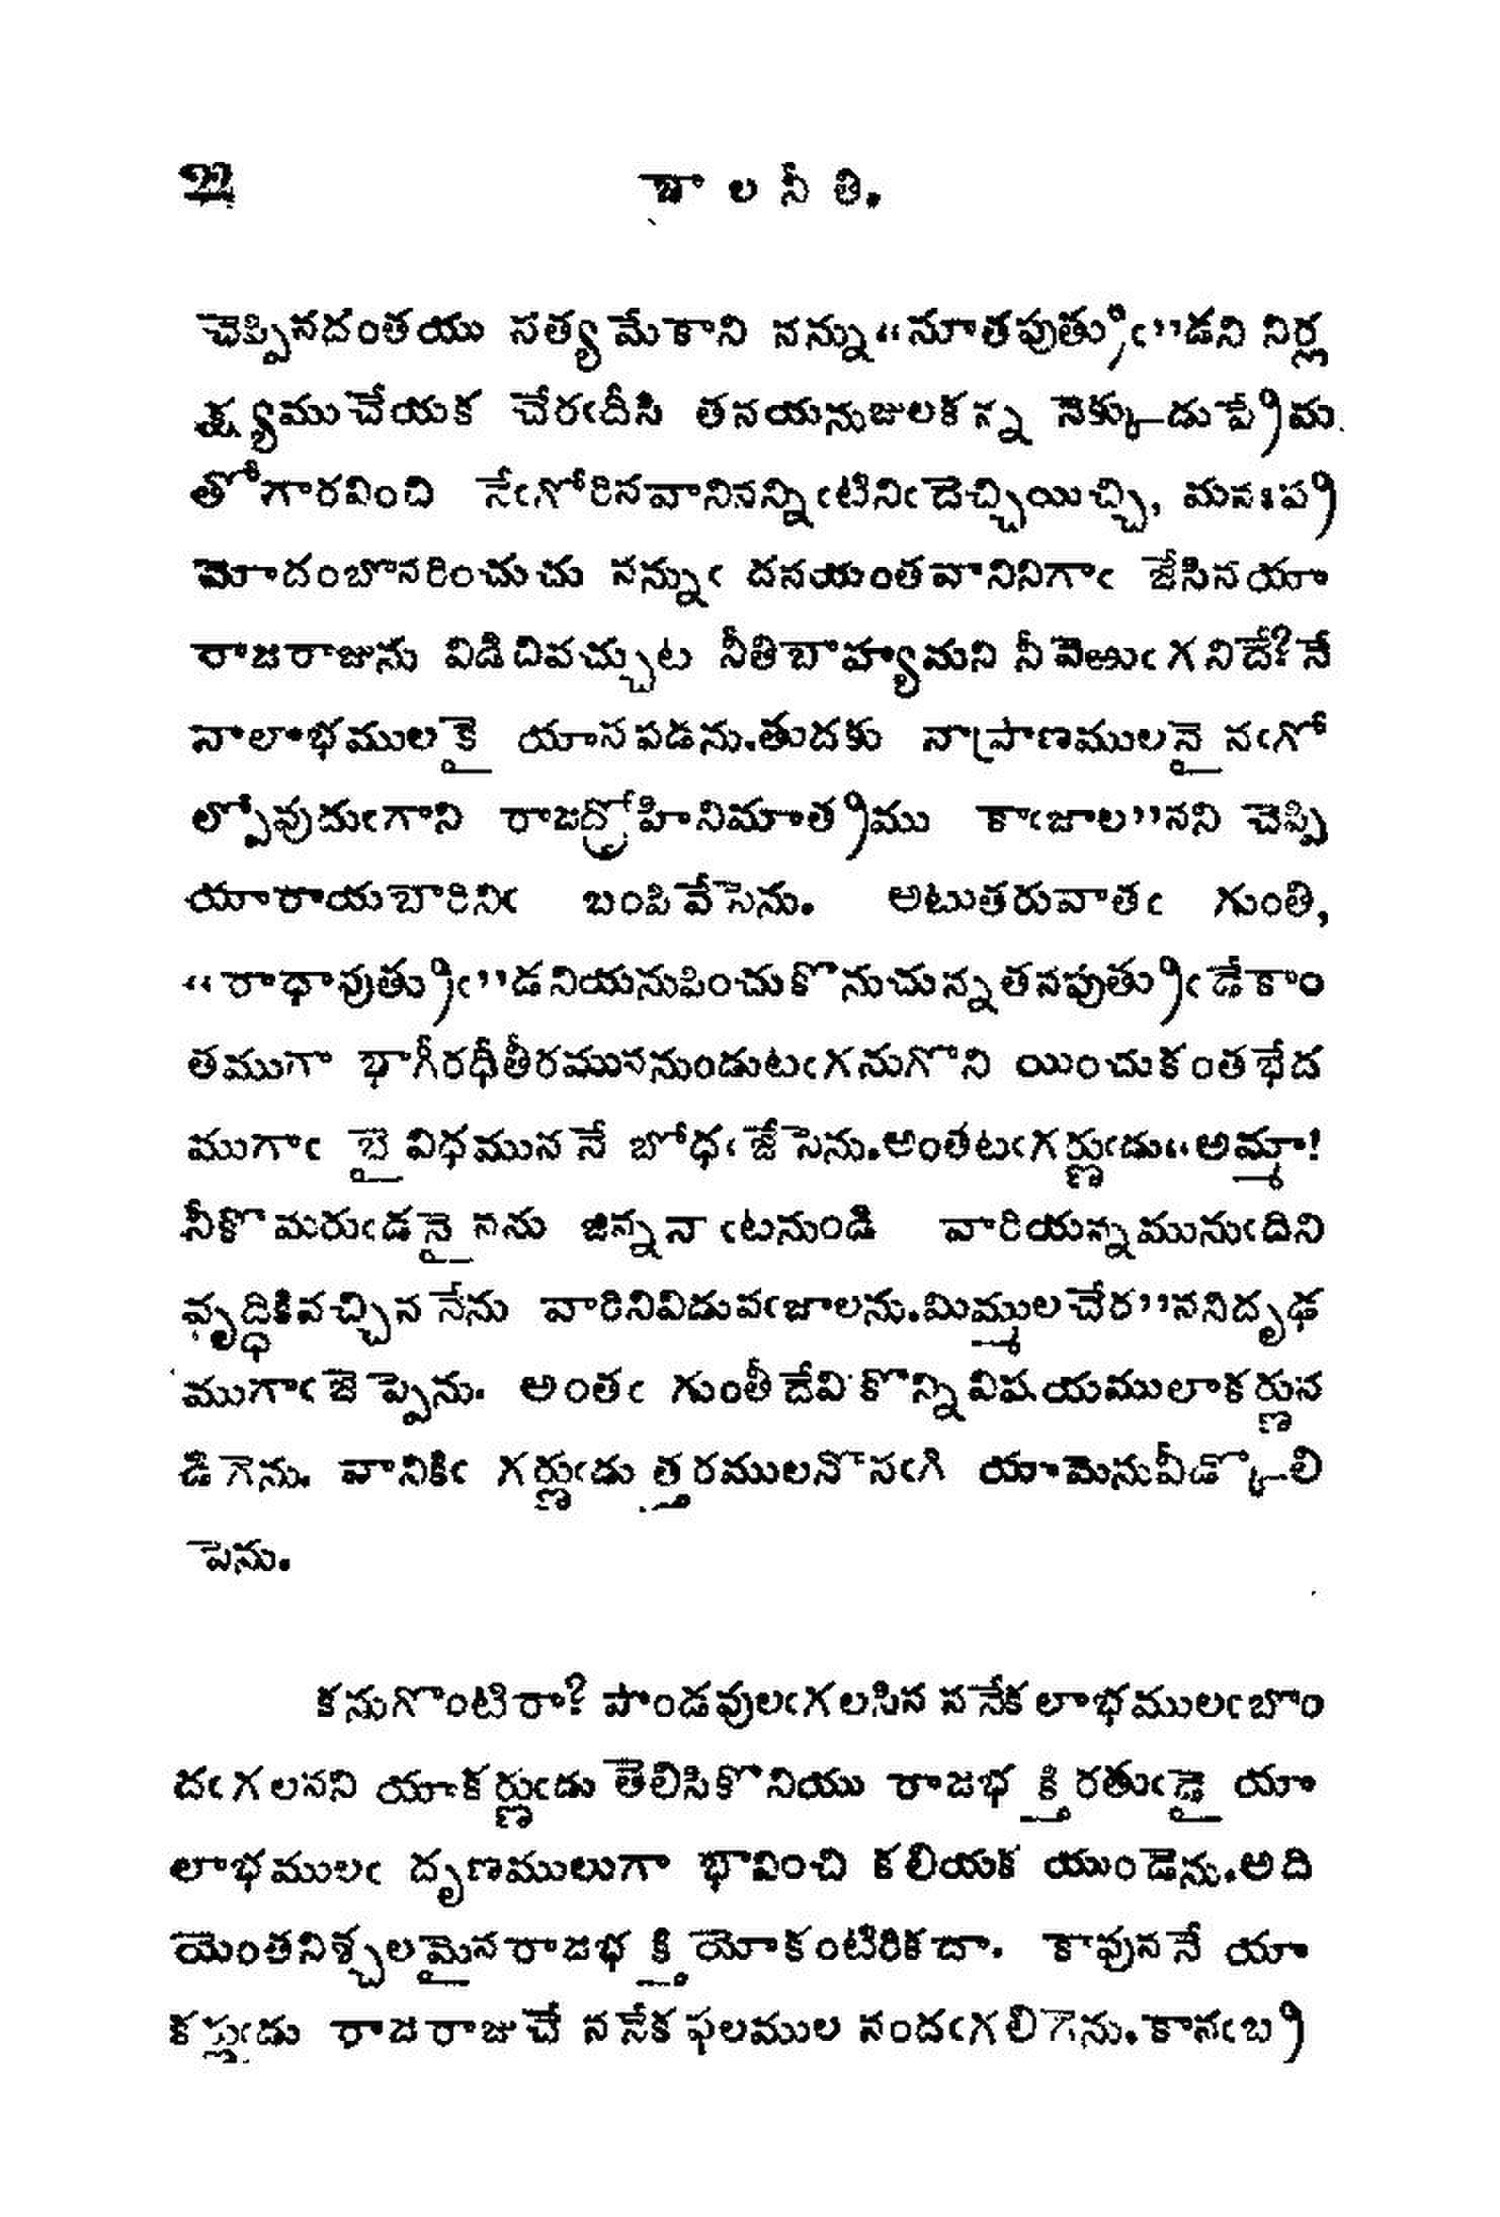చెప్పినదంతయు సత్యమేకాని నన్ను "సూతపుత్రుఁ"డని నిర్ల
క్ష్యముచేయక చేరఁదీసి తనయనుజులకన్న నెక్కుడుప్రేమ
తోగారవించి నేఁగోరినవానినన్నిఁటినిఁదెచ్చియిచ్చి, మనఃప్ర
మోదంబొనరించుచు నన్నుఁ దనయంతవానినిగాఁ జేసినయా
రాజరాజును విడిచివచ్చుట నీతిబాహ్యమని నీవెఱుఁగనిదే? నే
నాలాభములకై యాసపడను. తుదకు నాప్రాణములనైనఁగో
ల్పోవుదుఁగాని రాజద్రోహినిమాత్రము కాఁజాల"నని చెప్పి 
యారాయబారినిఁ బంపివేసెను. అటుతరువాతఁ గుంతి, 
"రాధాపుత్రుఁ"డనియనుపించుకొనుచున్న తనపుత్రుఁడేకాం
తముగా భాగీరధీతీరముననుండుటఁగనుగొని యించుకంతభేద
ముగాఁ బైవిధముననే బోధఁజేసెను. అంతటఁగర్ణుఁడు "అమ్మా! 
నీకొమరుఁడనైనను జిన్ననాఁటనుండి వారియన్నమునుఁదిని
వృద్ధికివచ్చిననేను వారినివిడువఁజాలను. మిమ్ములచేర"ననిదృడ
ముగాఁజెప్పెను. అంతఁ గుంతీదేవి కొన్నివిషయములాకర్ణున
డిగెను. వానికిఁ గర్ణుఁడుత్తరములనొసఁగి యామెనువీడ్కొలి
పెను.
 
కనుగొంటిరా? పాండవులఁగలసిన ననేక లాభములఁబొం
దఁగలనని యాకర్ణుఁడు తెలిసికొనియు రాజభక్తిరతుఁడై యా
లాభములఁ దృణములుగా భావించి కలియక యుండెను. అది 
యెంతనిశ్చలమైనరాజభక్తియోకంటిరికదా. కావుననే యా
కర్ణుఁడు రాజరాజుచే ననేకఫలముల నందఁగలిగెను. కానఁబ్ర